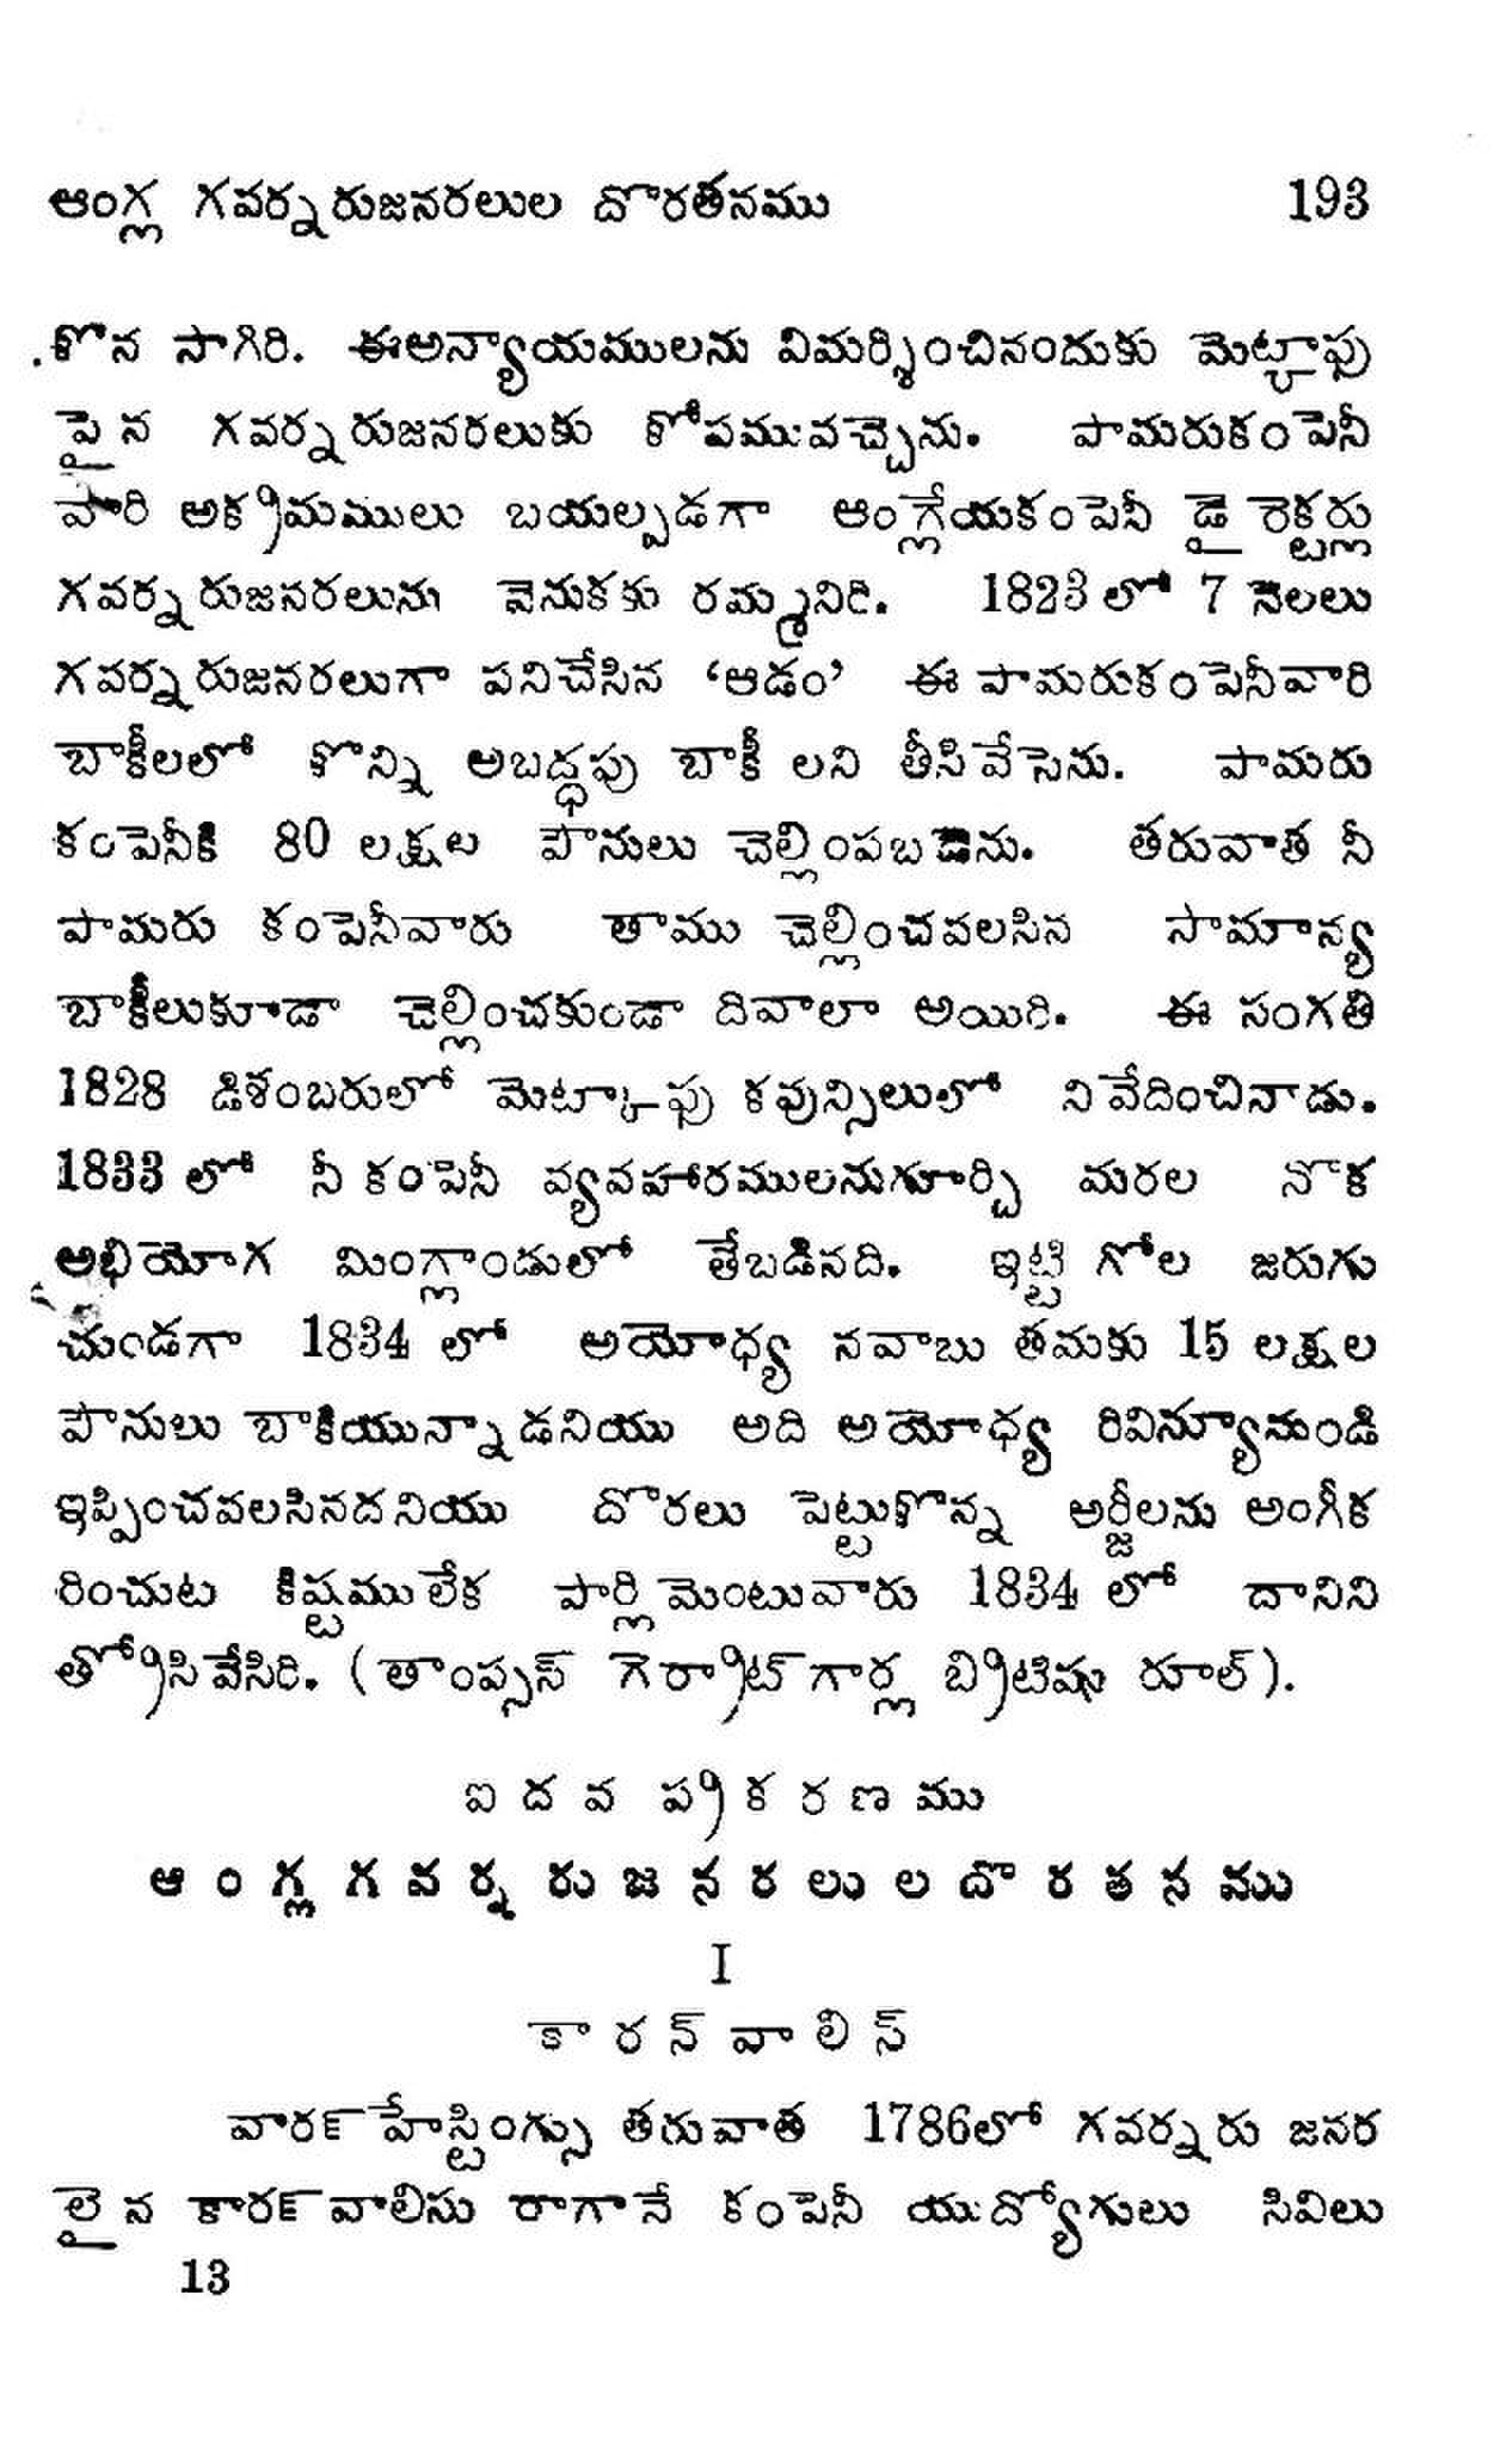కొన సాగిరి. ఈఅన్యాయములను విమర్శించినందుకు మెట్కాఫుపైన గవర్నరుజనరలుకు కోపమువచ్చెను. పామరుకంపెనీ వారి అక్రమములు బయల్పడగా ఆంగ్లేయకంపెనీ డైరెక్టర్లు గవర్నరుజనరలును వెనుకకు రమ్మనిరి. 1823 లో 7 నెలలు గవర్నరుజనరలుగా పనిచేసిన 'ఆడం' ఈ పామరుకంపెనీవారి బాకీలలో కొన్ని అబద్దపు బాకీ లని తీసివేసెను. పామరు కంపెనీకి 80 లక్షల పౌనులు చెల్లింపబడెను. తరువాత నీ పామరు కంపెనీవారు తాము చెల్లించవలసిన సామాన్య బాకీలుకూడా చెల్లించకుండా దివాలా అయిరి. ఈ సంగతి 1828 డిశంబరులో మెట్కాఫు కవున్సిలులో నివేదించినాడు. 1833 లో నీ కంపెనీ వ్యవహారములనుగూర్చి మరల నొక అభియోగ మింగ్లాండులో తేబడినది. ఇట్టి గోల జరుగుచుండగా 1834 లో అయోధ్య నవాబు తమకు 15 లక్షల పౌనులు బాకియున్నాడనియు అది అయోధ్య రివిన్యూ నుండి ఇప్పించవలసినదనియు దొరలు పెట్టుకొన్న అర్జీలను అంగీకరించుట కిష్టములేక పార్లమెంటువారు 1834 లో దానిని త్రోసివేసిరి. (తాంప్సస్ గెరాట్ గార్ల బ్రిటిషు రూల్).

ఐదవ ప్రకరణము 
ఆంగ్లగవర్నరు జనరలుల దొరతనము
I 
కారన్ వాలిస్ 

వార౯ హేస్టింగ్సు తరువాత 1786లో గవర్నరు జనరలైన కార౯ వాలిసు రాగానే కంపెనీ యుద్యోగులు సివిలు